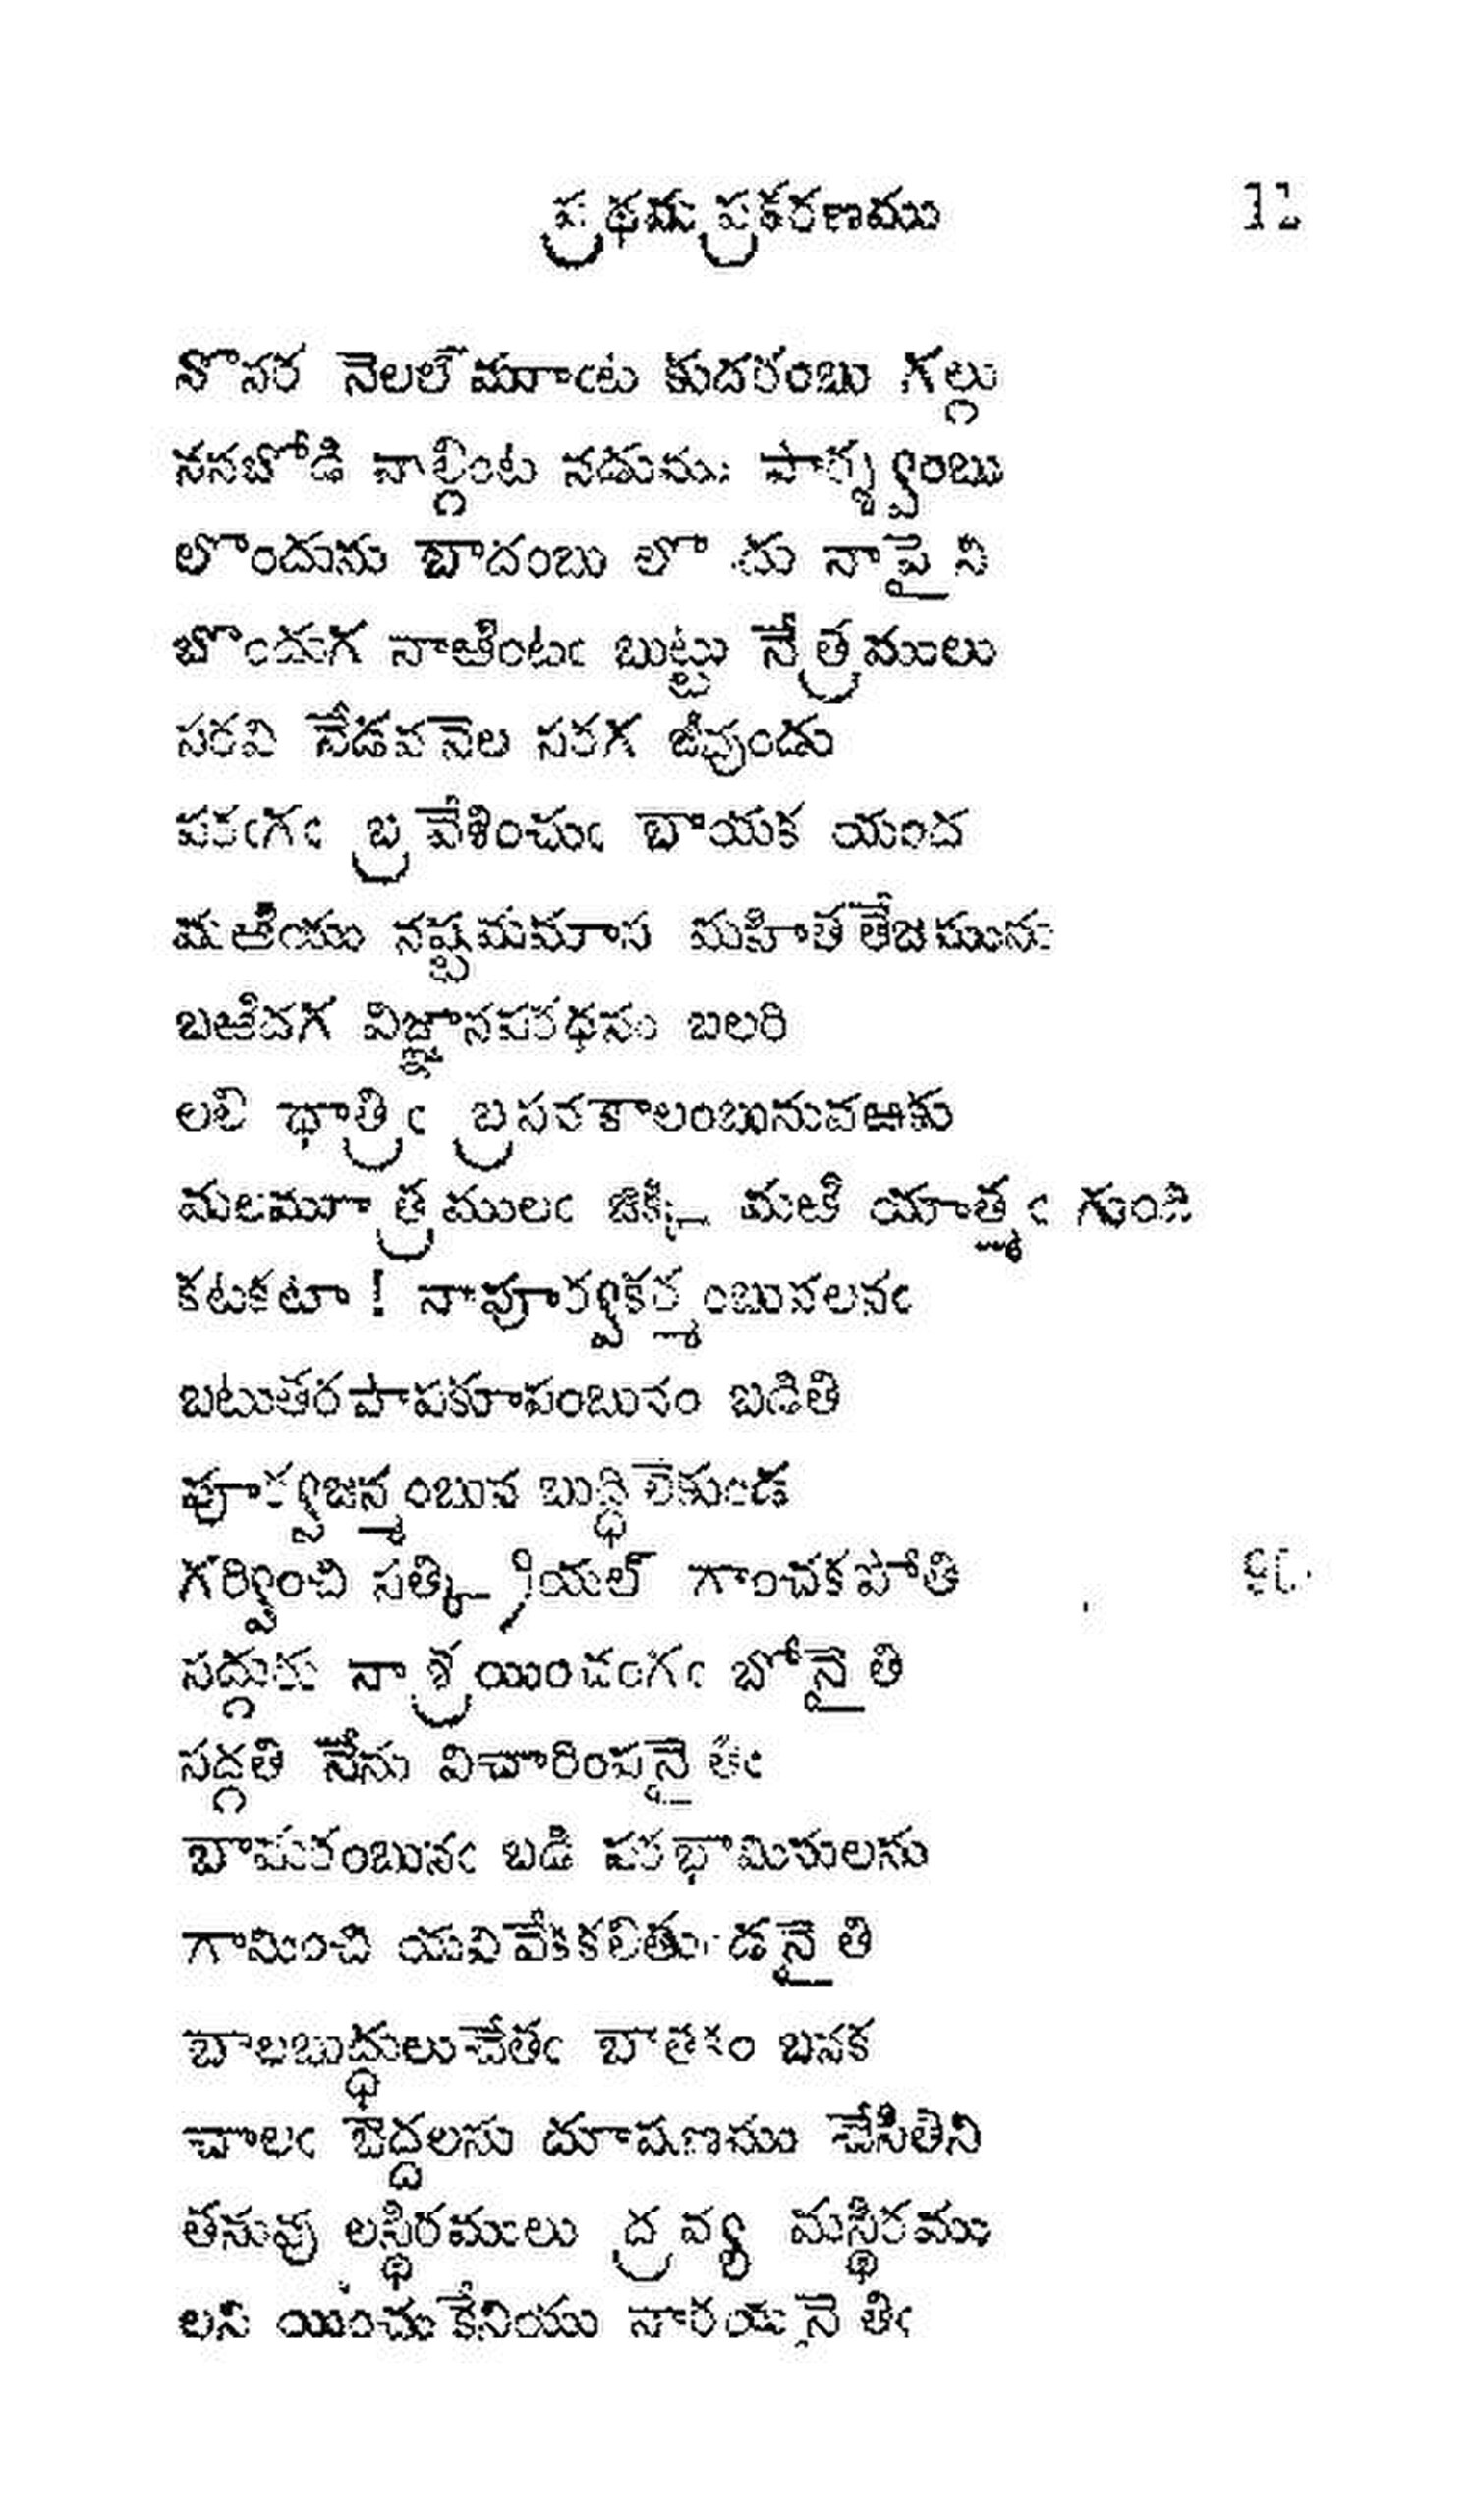నొనర నెలల్ మూఁట కుదరంబు గల్గు
ననబోడి నాల్గింట నడుము పార్శ్వంబు
లొందును బాదంబు లొందు నాపైని 
బొందుగ నాఱింటఁ బుట్టు నేత్రములు
సరవి నేడవనెల సరగ జీవుండు
పరఁగఁ బ్రవేశించుఁ బాయక యంద
మఱియు నష్టమమాస మహితతేజమును
బఱిదగ విజ్ఞానపరధనం బలరి 
లలి ధాత్రిఁ బ్రసవకాలంబునువఱకు
మలమూత్రములఁ జిక్కి మఱి యాత్మఁ గుంది 
కటకటా! నాపూర్వకర్మంబువలనఁ
బటుతరపాపకూపంబునం బడితి
పూర్వజన్మంబున బుద్ధిలేకుండ
గర్వించి సత్క్రియల్ గాంచకపోతి
సద్గురు నాశ్రయించంగఁ బోనైతి
సద్గతి నేను విచారింపనైతిఁ 
బామరంబునఁ బడి పరభామినులను
గామించి యవివేకకలితుఁడనైతి
బాలబుద్ధులు చేతఁ బాతకం బనక
చాలఁ బెద్దలను దూషణము చేసితిని
తనువు లస్థిరములు ద్రవ్య మస్థిరము
లని యించుకేనియు నారయనైతిఁ